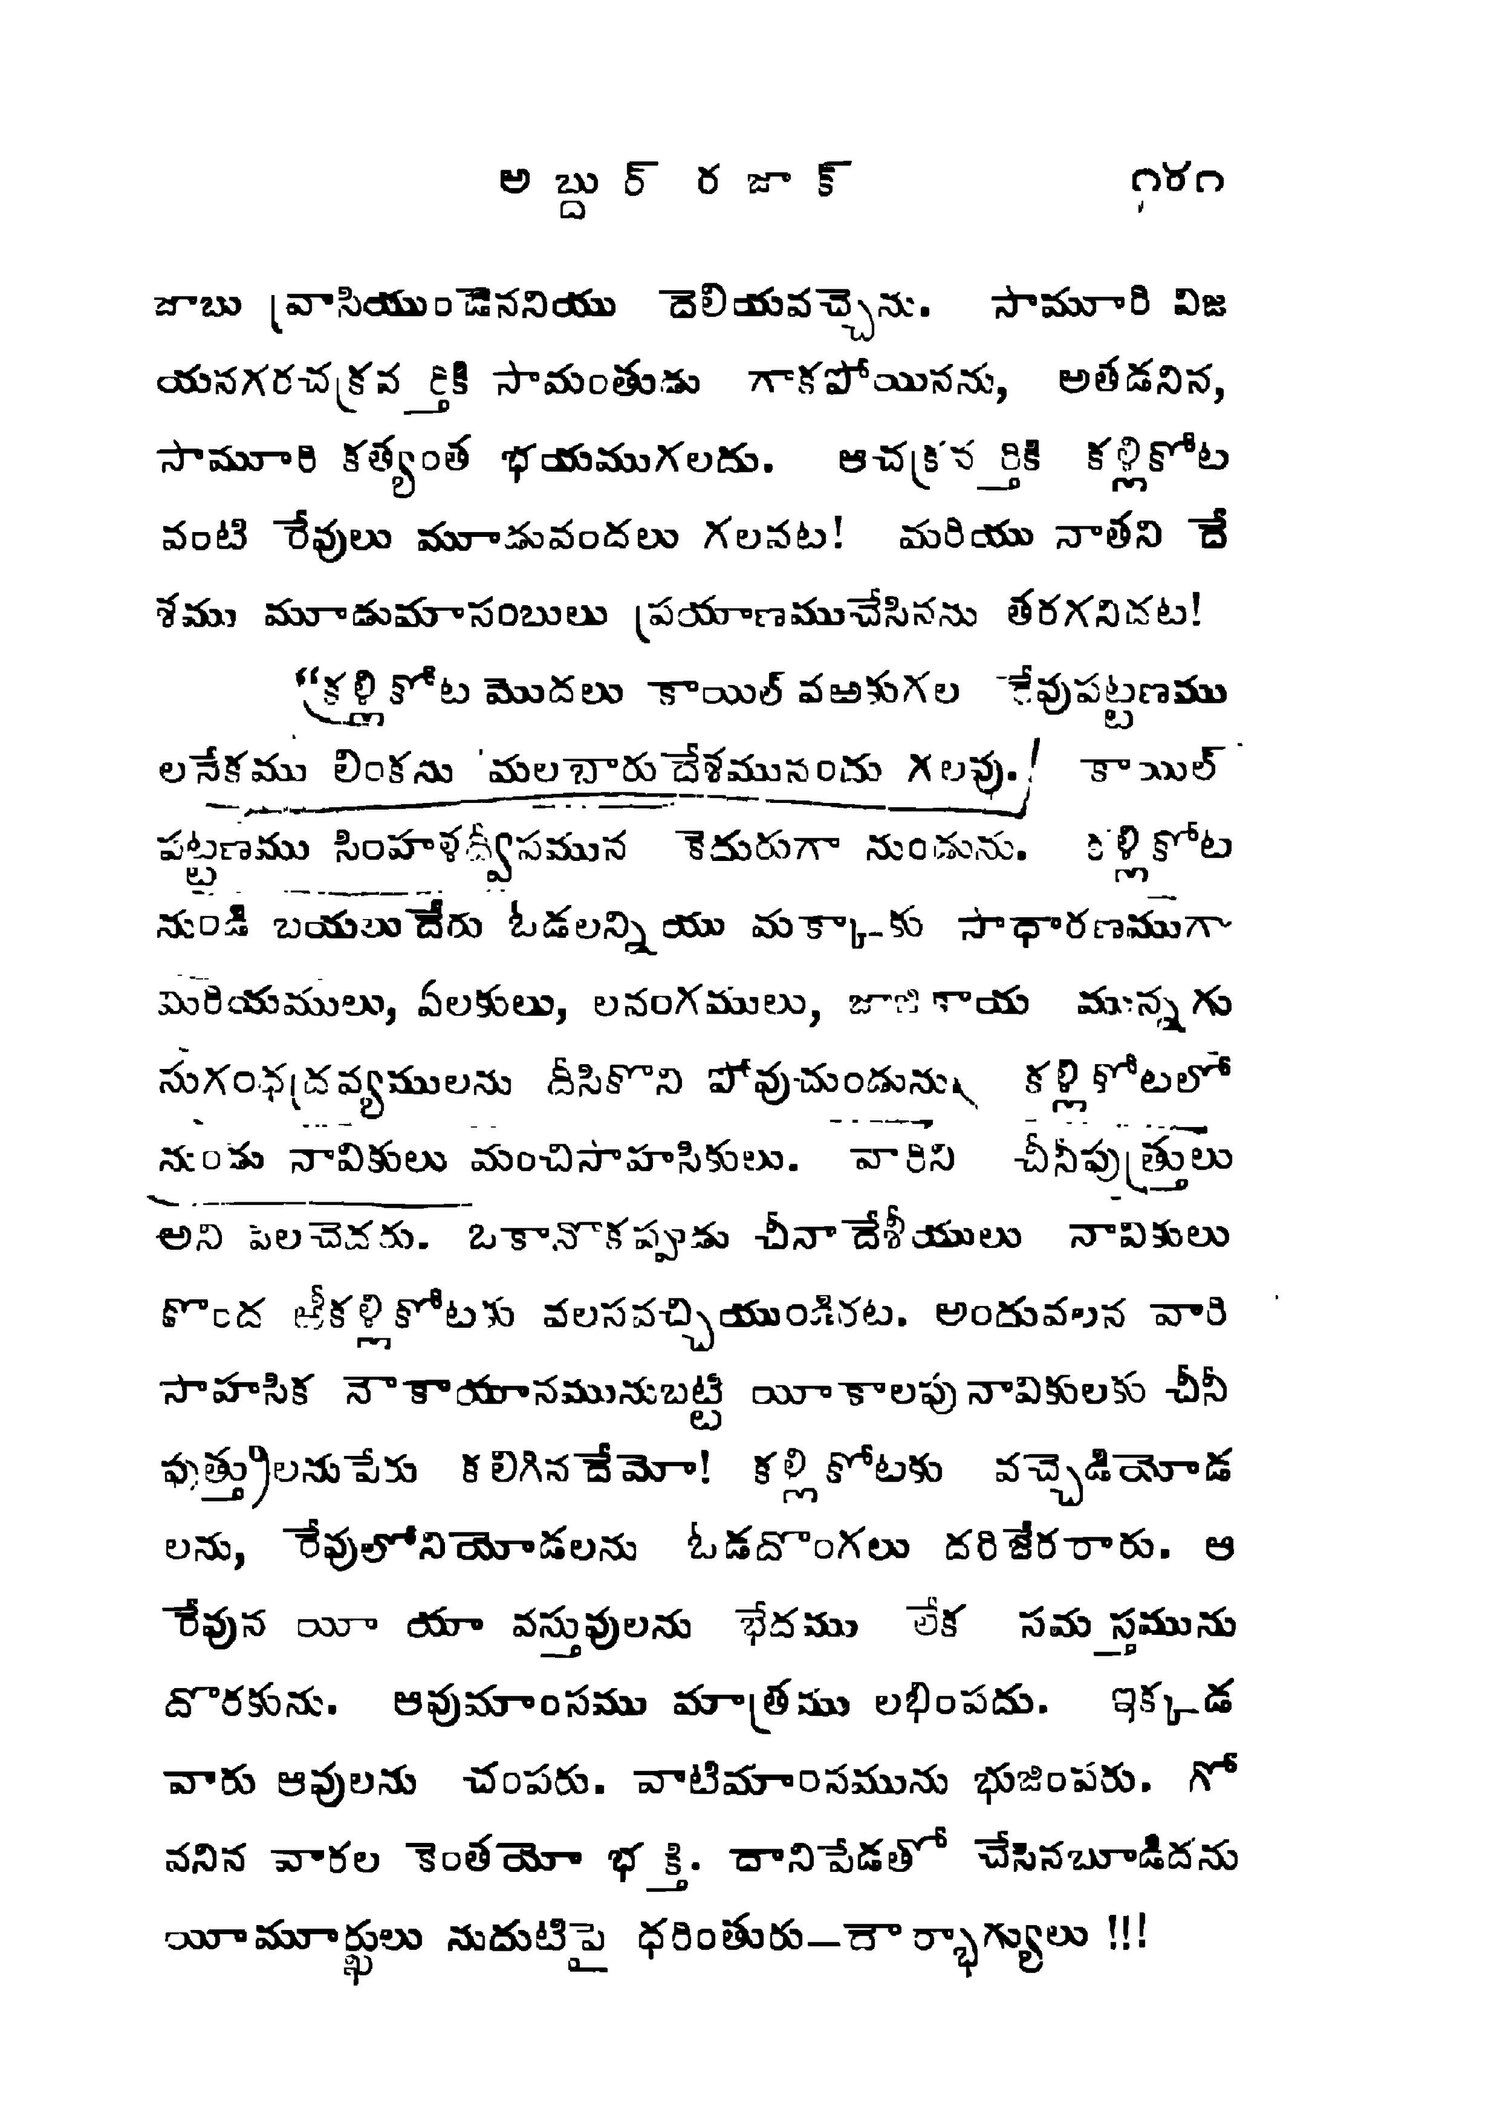జాబు వ్రాసియుండెననియు దెలియవచ్చెను. సామూరి విజయనగర చక్రవర్తికి సామంతుడు గాకపోయినను, అతడనిన, సామూరి కత్యంత భయముగలదు. ఆచక్రవర్తికి కళ్లికోట వంటి రేవులు మూడువందలు గలవట! మరియు నాతని దేశము మూడుమాసంబులు ప్రయాణము చేసినను తరగనిదట!

"కళ్లికోట మొదలు కాయిల్ వఱకుగల రేవుపట్టణము లనేకము లింకను మలబారు దేశమునందు గలవు. కాయిల్ పట్టణము సింహళద్వీపమున కెదురుగా నుండును. కళ్లికోట నుండి బయలు దేరు ఓడలన్నియు మక్కాకు సాధారణముగా మిరియములు, ఏలకులు, లవంగములు, జాజికాయ మున్నగు సుగంధ ద్రవ్యములను దీసికొని పోవుచుండును. కళ్లికోటలో నుండు నావికులు మంచి సాహసికులు. వారిని చీనిపుత్రులు అని పిలచెదరు. ఒకానొకప్పుడు చీనా దేశీయులు నావికులు కొందఱీకళ్లికోటకు వలసవచ్చి యుండిరట. అందువలన వారి సాహసిక నౌకాయానమును బట్టి యీ కాలపు నావికులకు చీని పుత్రులనుపేరు కలిగినదేమో! కళ్లికోటకు వచ్చెడి యోడలను, రేవులోని యోడలను ఓడదొంగలు దరిజేరరారు. ఆ రేవున యీయా వస్తువులను భేదము లేక సమస్తమును దొరకును. ఆవుమాంసము మాత్రము లభింపదు. ఇక్కడవారు ఆవులను చంపరు. వాటిమాంసమును భుజింపరు. గోవనిన వారల కెంతయో భక్తి. దాని పేడతో చేసినబూడిదను యీ మూర్ఖులు నుదుటిపై ధరింతురు - దౌర్భాగ్యులు!!!